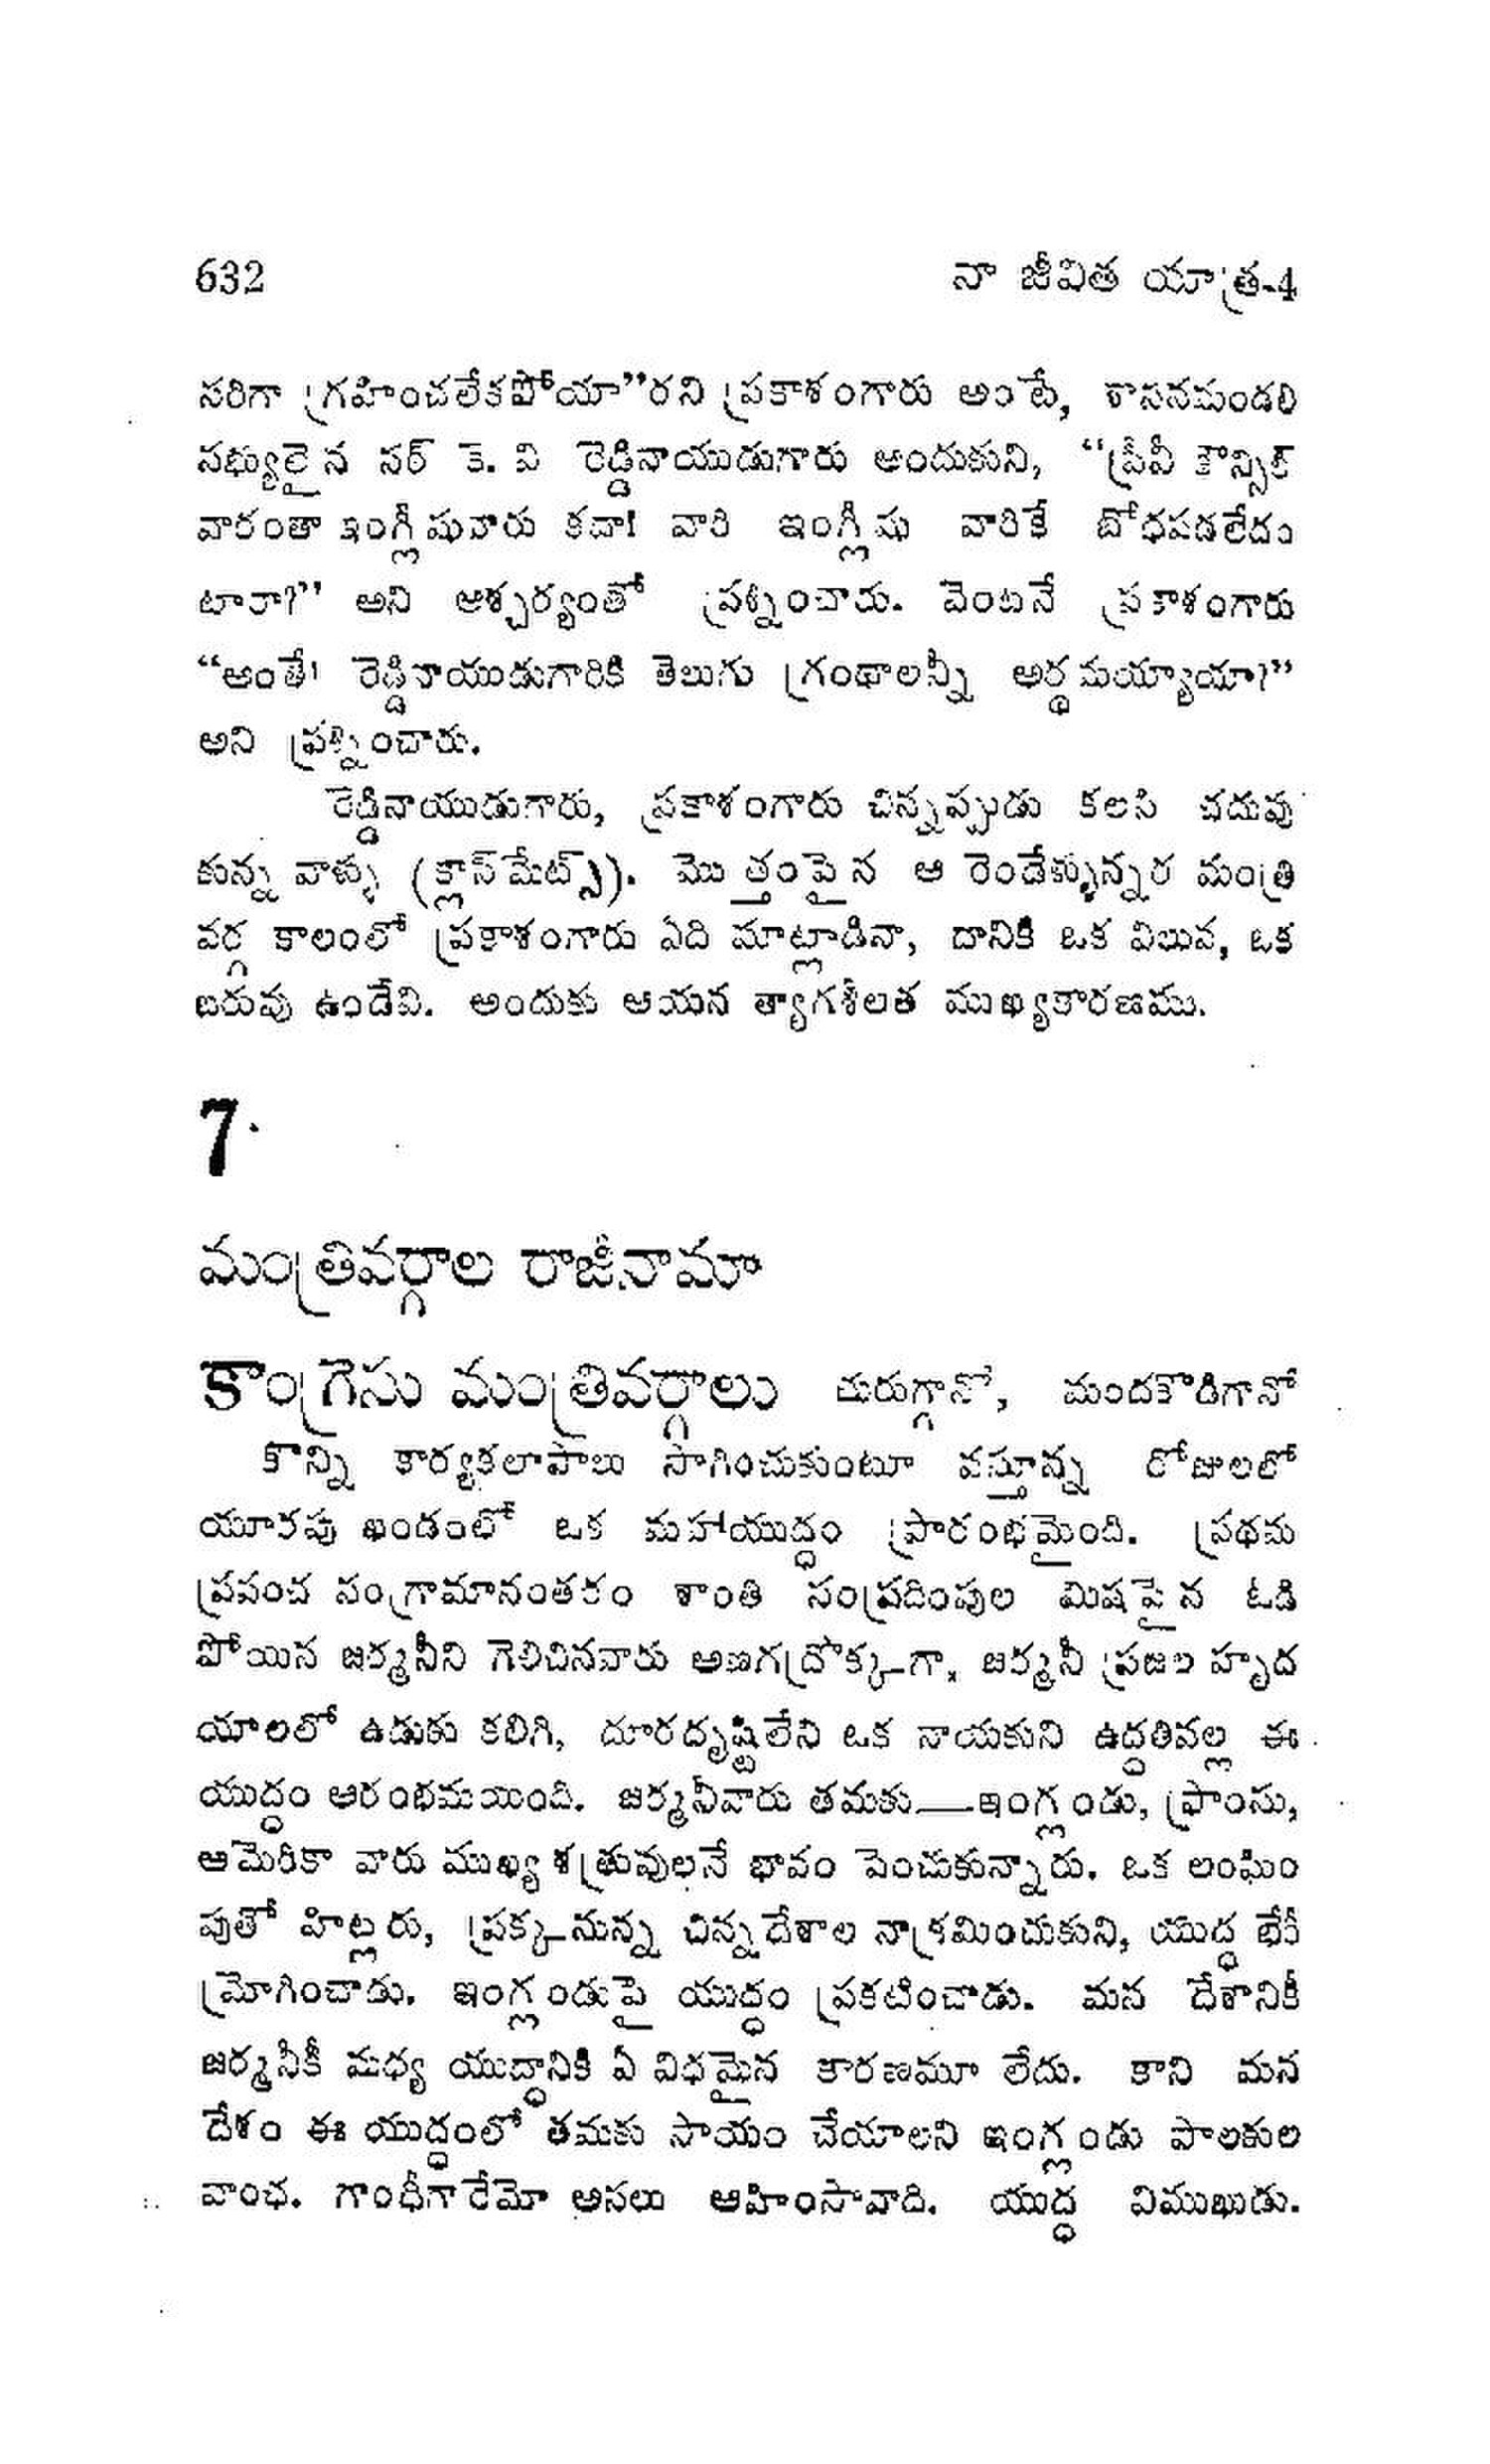సరిగా గ్రహించ లేకపోయా"రని ప్రకాశంగారు అంటే, శాసనమండలి సభ్యులైన సర్ కె. వి. రెడ్డినాయుడు గారు అందుకుని, "ప్రీవీ కౌన్సిల్ వారంతా ఇంగ్లీషువారు కదా! వారి ఇంగ్లీషు వారికే బోధపడలేదంటారా?" అని ఆశ్చర్యంతో ప్రశ్నించారు. వెంటనే ప్రకాశంగారు "అంతే! రెడ్డినాయుడుగారికి తెలుగు గ్రంథాలన్నీ అర్థమయ్యాయా?" అని ప్రశ్నించారు.

రెడ్డినాయుడుగారు, ప్రకాశంగారు చిన్నప్పుడు కలసి చదువుకున్న వాళ్ళు (క్లాస్‌మేట్స్). మొత్తంపైన ఆ రెండేళ్ళున్నర మంత్రివర్గ కాలంలో ప్రకాశంగారు ఏది మాట్లాడినా, దానికి ఒక విలువ, ఒక బరువు ఉండేవి. అందుకు ఆయన త్యాగశీలత ముఖ్యకారణము.

కాంగ్రెసు మంత్రివర్గాలు చురుగ్గానో, మందకొడిగానో కొన్ని కార్యకలాపాలు సాగించుకుంటూ వస్తూన్న రోజులలో యూరపు ఖండంలో ఒక మహాయుద్ధం ప్రారంభమైంది. ప్రథమ ప్రపంచ సంగ్రామానంతరం శాంతి సంప్రదింపుల మిషపైన ఓడిపోయిన జర్మనీని గెలిచినవారు అణగద్రొక్కగా, జర్మనీ ప్రజల హృదయాలలో ఉడుకు కలిగి, దూరదృష్టిలేని ఒక నాయకుని ఉద్ధతివల్ల ఈ యుద్ధం ఆరంభమయింది. జర్మనీవారు తమకు - ఇంగ్లండు, ఫ్రాంసు, అమెరికా వారు ముఖ్య శత్రువులనే భావం పెంచుకున్నారు. ఒక లంఘింపుతో హిట్లరు, ప్రక్కనున్న చిన్నదేశాల నాక్రమించుకుని, యుద్ధ భేరీ మ్రోగించాడు. ఇంగ్లండుపై యుద్ధం ప్రకటించాడు. మన దేశానికీ జర్మనీకి మధ్య యుద్ధానికి ఏ విధమైన కారణమూ లేదు. కాని మనదేశం ఈ యుద్ధంలో తమకు సాయం చేయాలని ఇంగ్లండు పాలకుల వాంఛ. గాంధీగారేమో అసలు అహింసావాది. యుద్ధ విముఖుడు.